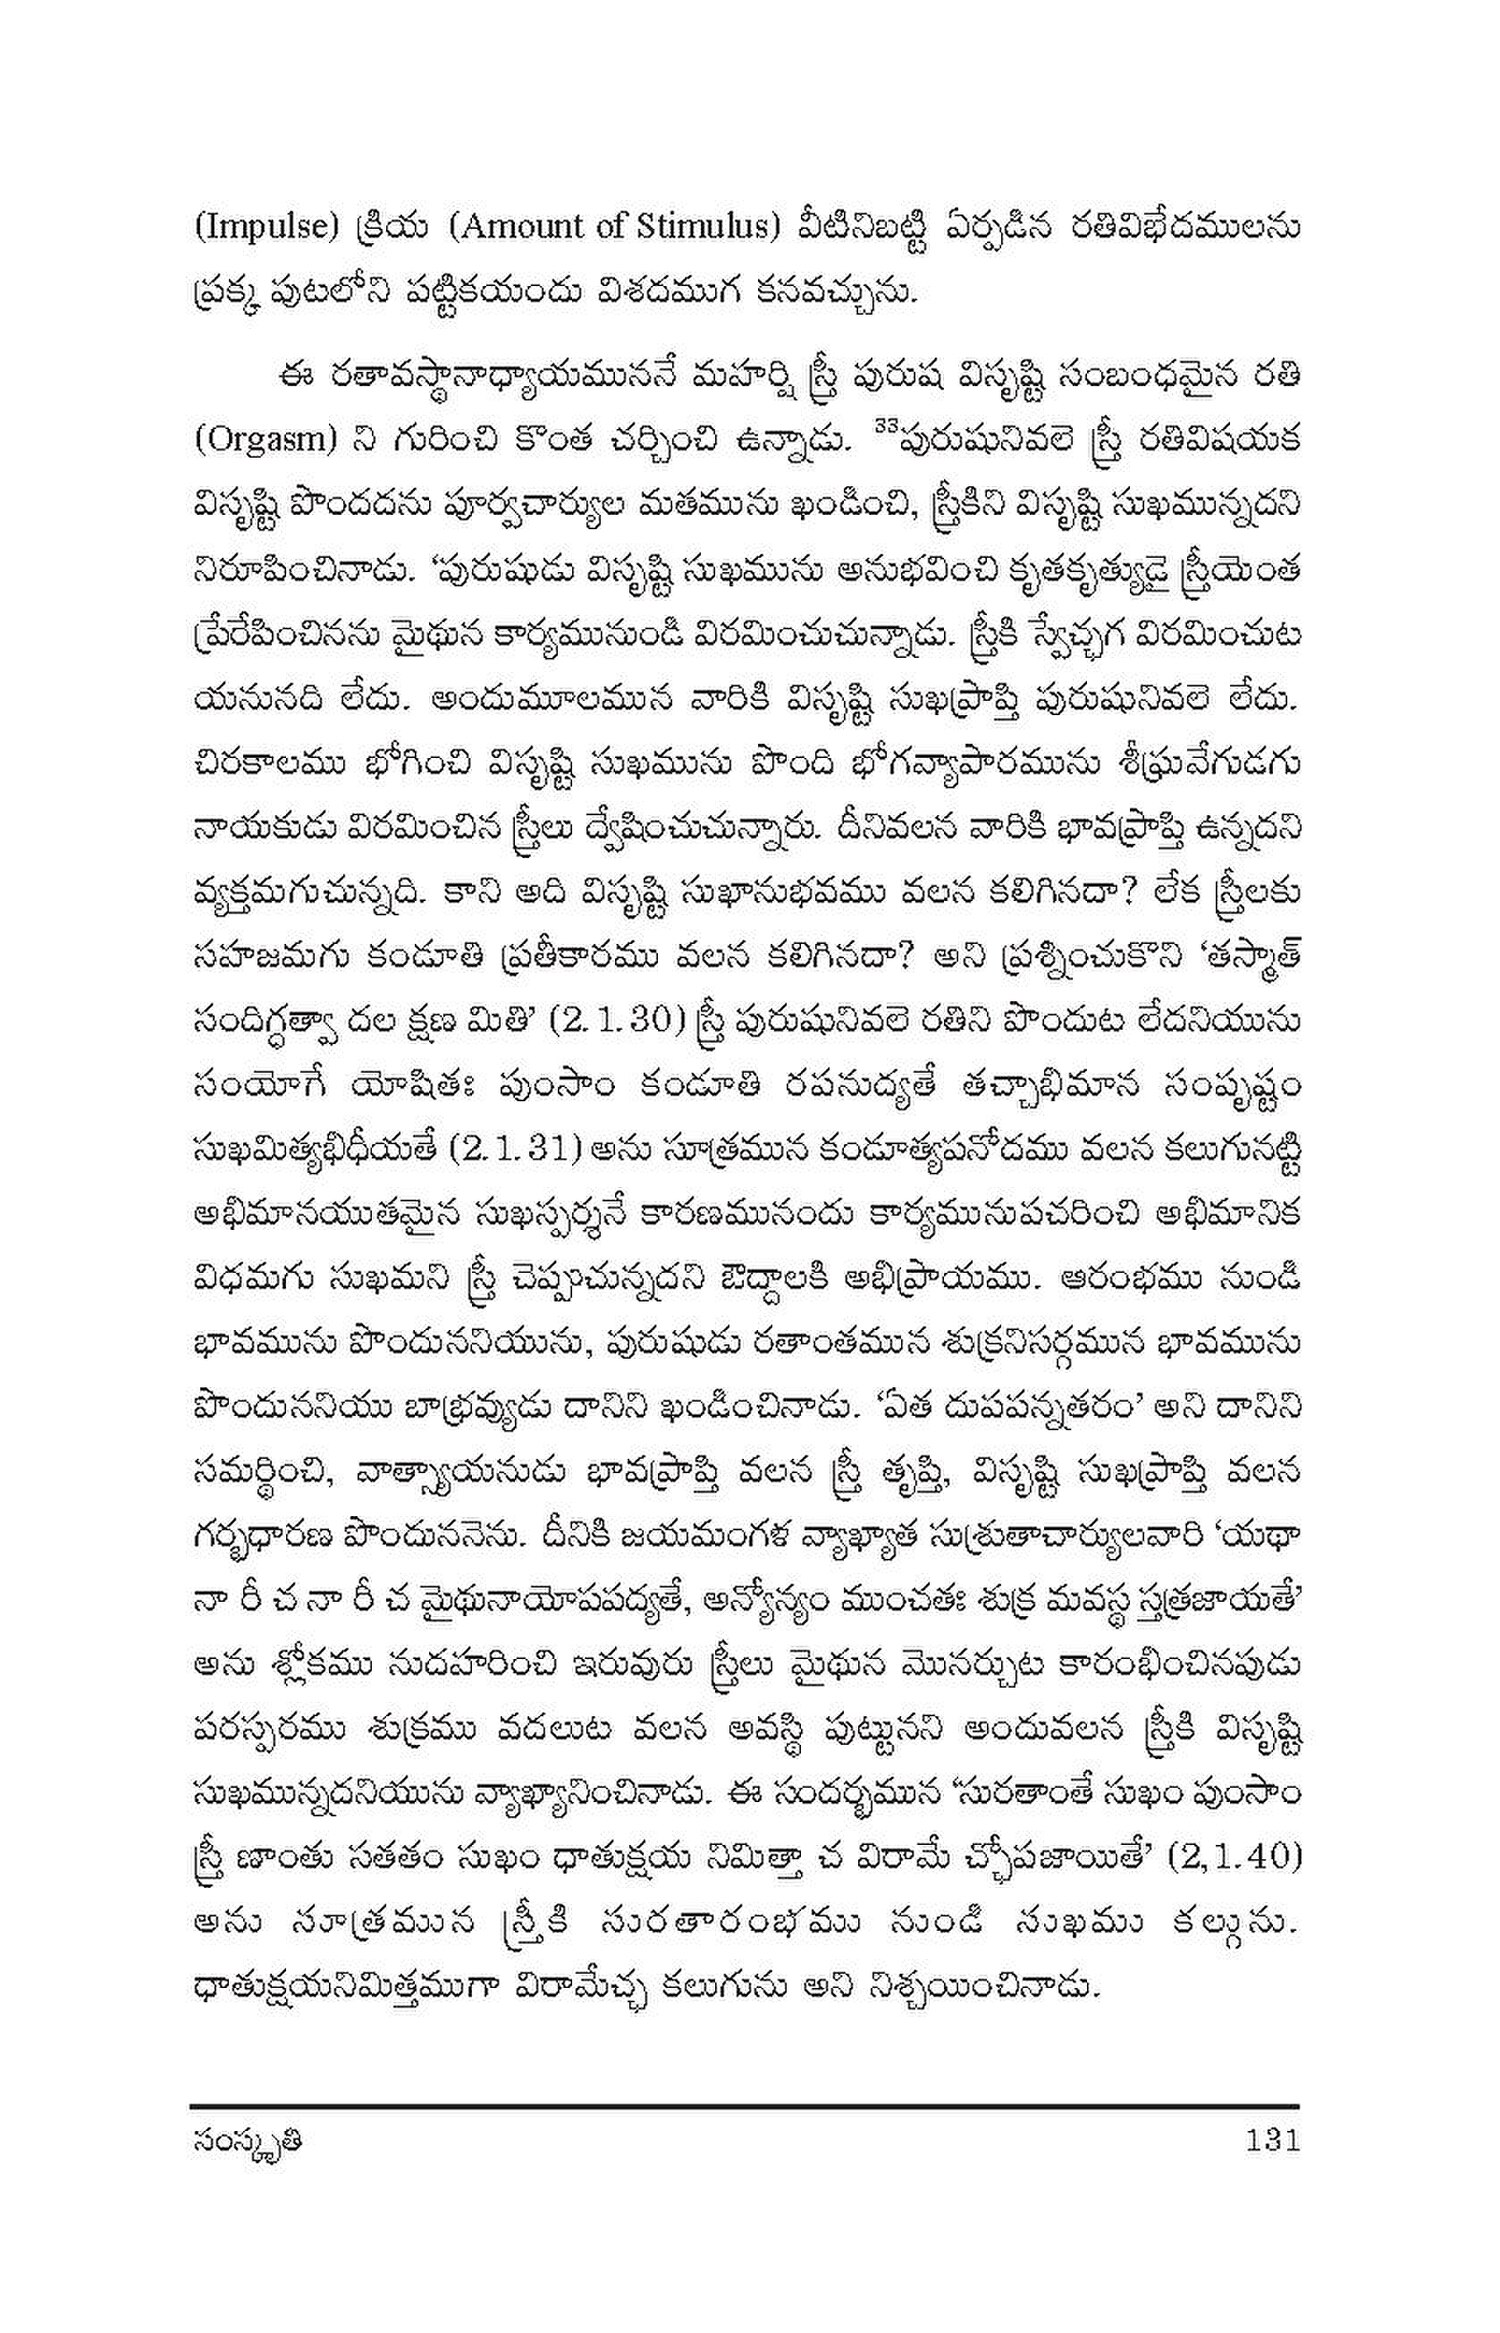(Impulse) క్రియ (Amount of Stimulus) వీటినిబట్టి ఏర్పడిన రతివిభేదములను
ప్రక్క పుటలోని పట్టికయందు విశదముగ కనవచ్చును.

ఈ రతావస్థానాధ్యాయముననే మహర్షి స్త్రీ పురుష విసృష్టి సంబంధమైన రతి
(Orgasm) ని గురించి కొంత చర్చించి ఉన్నాడు. "పురుషునివలె స్త్రీ రతివిషయక
విసృష్టి పొందదను పూర్వచార్యుల మతమును ఖండించి, స్త్రీకిని విసృష్టి సుఖమున్నదని
నిరూపించినాడు. 'పురుషుడు విసృష్టి సుఖమును అనుభవించి కృతకృత్యుడై స్త్రీయెంత
ప్రేరేపించినను మైథున కార్యమునుండి విరమించుచున్నాడు. స్త్రీకి స్వేచ్ఛగ విరమించుట
యనునది లేదు. అందుమూలమున వారికి విసృష్టి సుఖప్రాప్తి పురుషునివలె లేదు.
చిరకాలము భోగించి విసృష్టి సుఖమును పొంది భోగవ్యాపారమును శీఘ్రవేగుడగు
నాయకుడు విరమించిన స్త్రీలు ద్వేషించుచున్నారు. దీనివలన వారికి భావప్రాప్తి ఉన్నదని
వ్యక్తమగుచున్నది. కాని అది విసృష్టి సుఖానుభవము వలన కలిగినదా? లేక స్త్రీలకు
సహజమగు కండూతి ప్రతీకారము వలన కలిగినదా? అని ప్రశ్నించుకొని 'తస్మాత్
సందిగ్ధత్వా దల క్షణ మితి' (2.1.30) స్త్రీ పురుషునివలె రతిని పొందుట లేదనియును
సంయోగే యోషితః పుంసాం కండూతి రపనుద్యతే తచ్చాభిమాన సంపృష్టం
సుఖమిత్యభిధీయతే (2.1.31) అను సూత్రమున కండూత్యపనోదము వలన కలుగునట్టి
అభిమానయుతమైన సుఖస్పర్శనే కారణమునందు కార్యమునుపచరించి అభిమానిక
విధమగు సుఖమని స్త్రీ చెప్పుచున్నదని ఔద్దాలకి అభిప్రాయము. ఆరంభము నుండి
భావమును పొందుననియును, పురుషుడు రతాంతమున శుక్రనిసర్గమున భావమును
పొందుననియు బాభ్రవ్యుడు దానిని ఖండించినాడు. 'ఏత దుపపన్నతరం' అని దానిని
సమర్థించి, వాత్స్యాయనుడు భావప్రాప్తి వలన స్త్రీ తృప్తి, విసృష్టి సుఖప్రాప్తి వలన
గర్భధారణ పొందుననెను. దీనికి జయమంగళ వ్యాఖ్యాత సుశ్రుతాచార్యులవారి 'యథా
నా రీ చ నా రీ చ మైథునాయోపపద్యతే, అన్యోన్యం ముంచతః శుక్ర మవస్థ స్తోత్రజాయతే'
అను శ్లోకము నుదహరించి ఇరువురు స్త్రీలు మైథున మొనర్చుట కారంభించినపుడు
పరస్పరము శుక్రము వదలుట వలన అవస్థి పుట్టునని అందువలన స్త్రీకి విసృష్టి
సుఖమున్నదనియును వ్యాఖ్యానించినాడు. ఈ సందర్భమున 'సురతాంతే సుఖం పుంసాం
స్త్రీ ణాంతు సతతం సుఖం ధాతుక్షయ నిమిత్తా చ విరామే చ్చోపజాయితే' (2,1.40)
అను సూత్రమున స్త్రీకి సురతారంభము నుండి సుఖము కల్గును.
ధాతుక్షయనిమిత్తముగా విరామేచ్ఛ కలుగును అని నిశ్చయించినాడు.